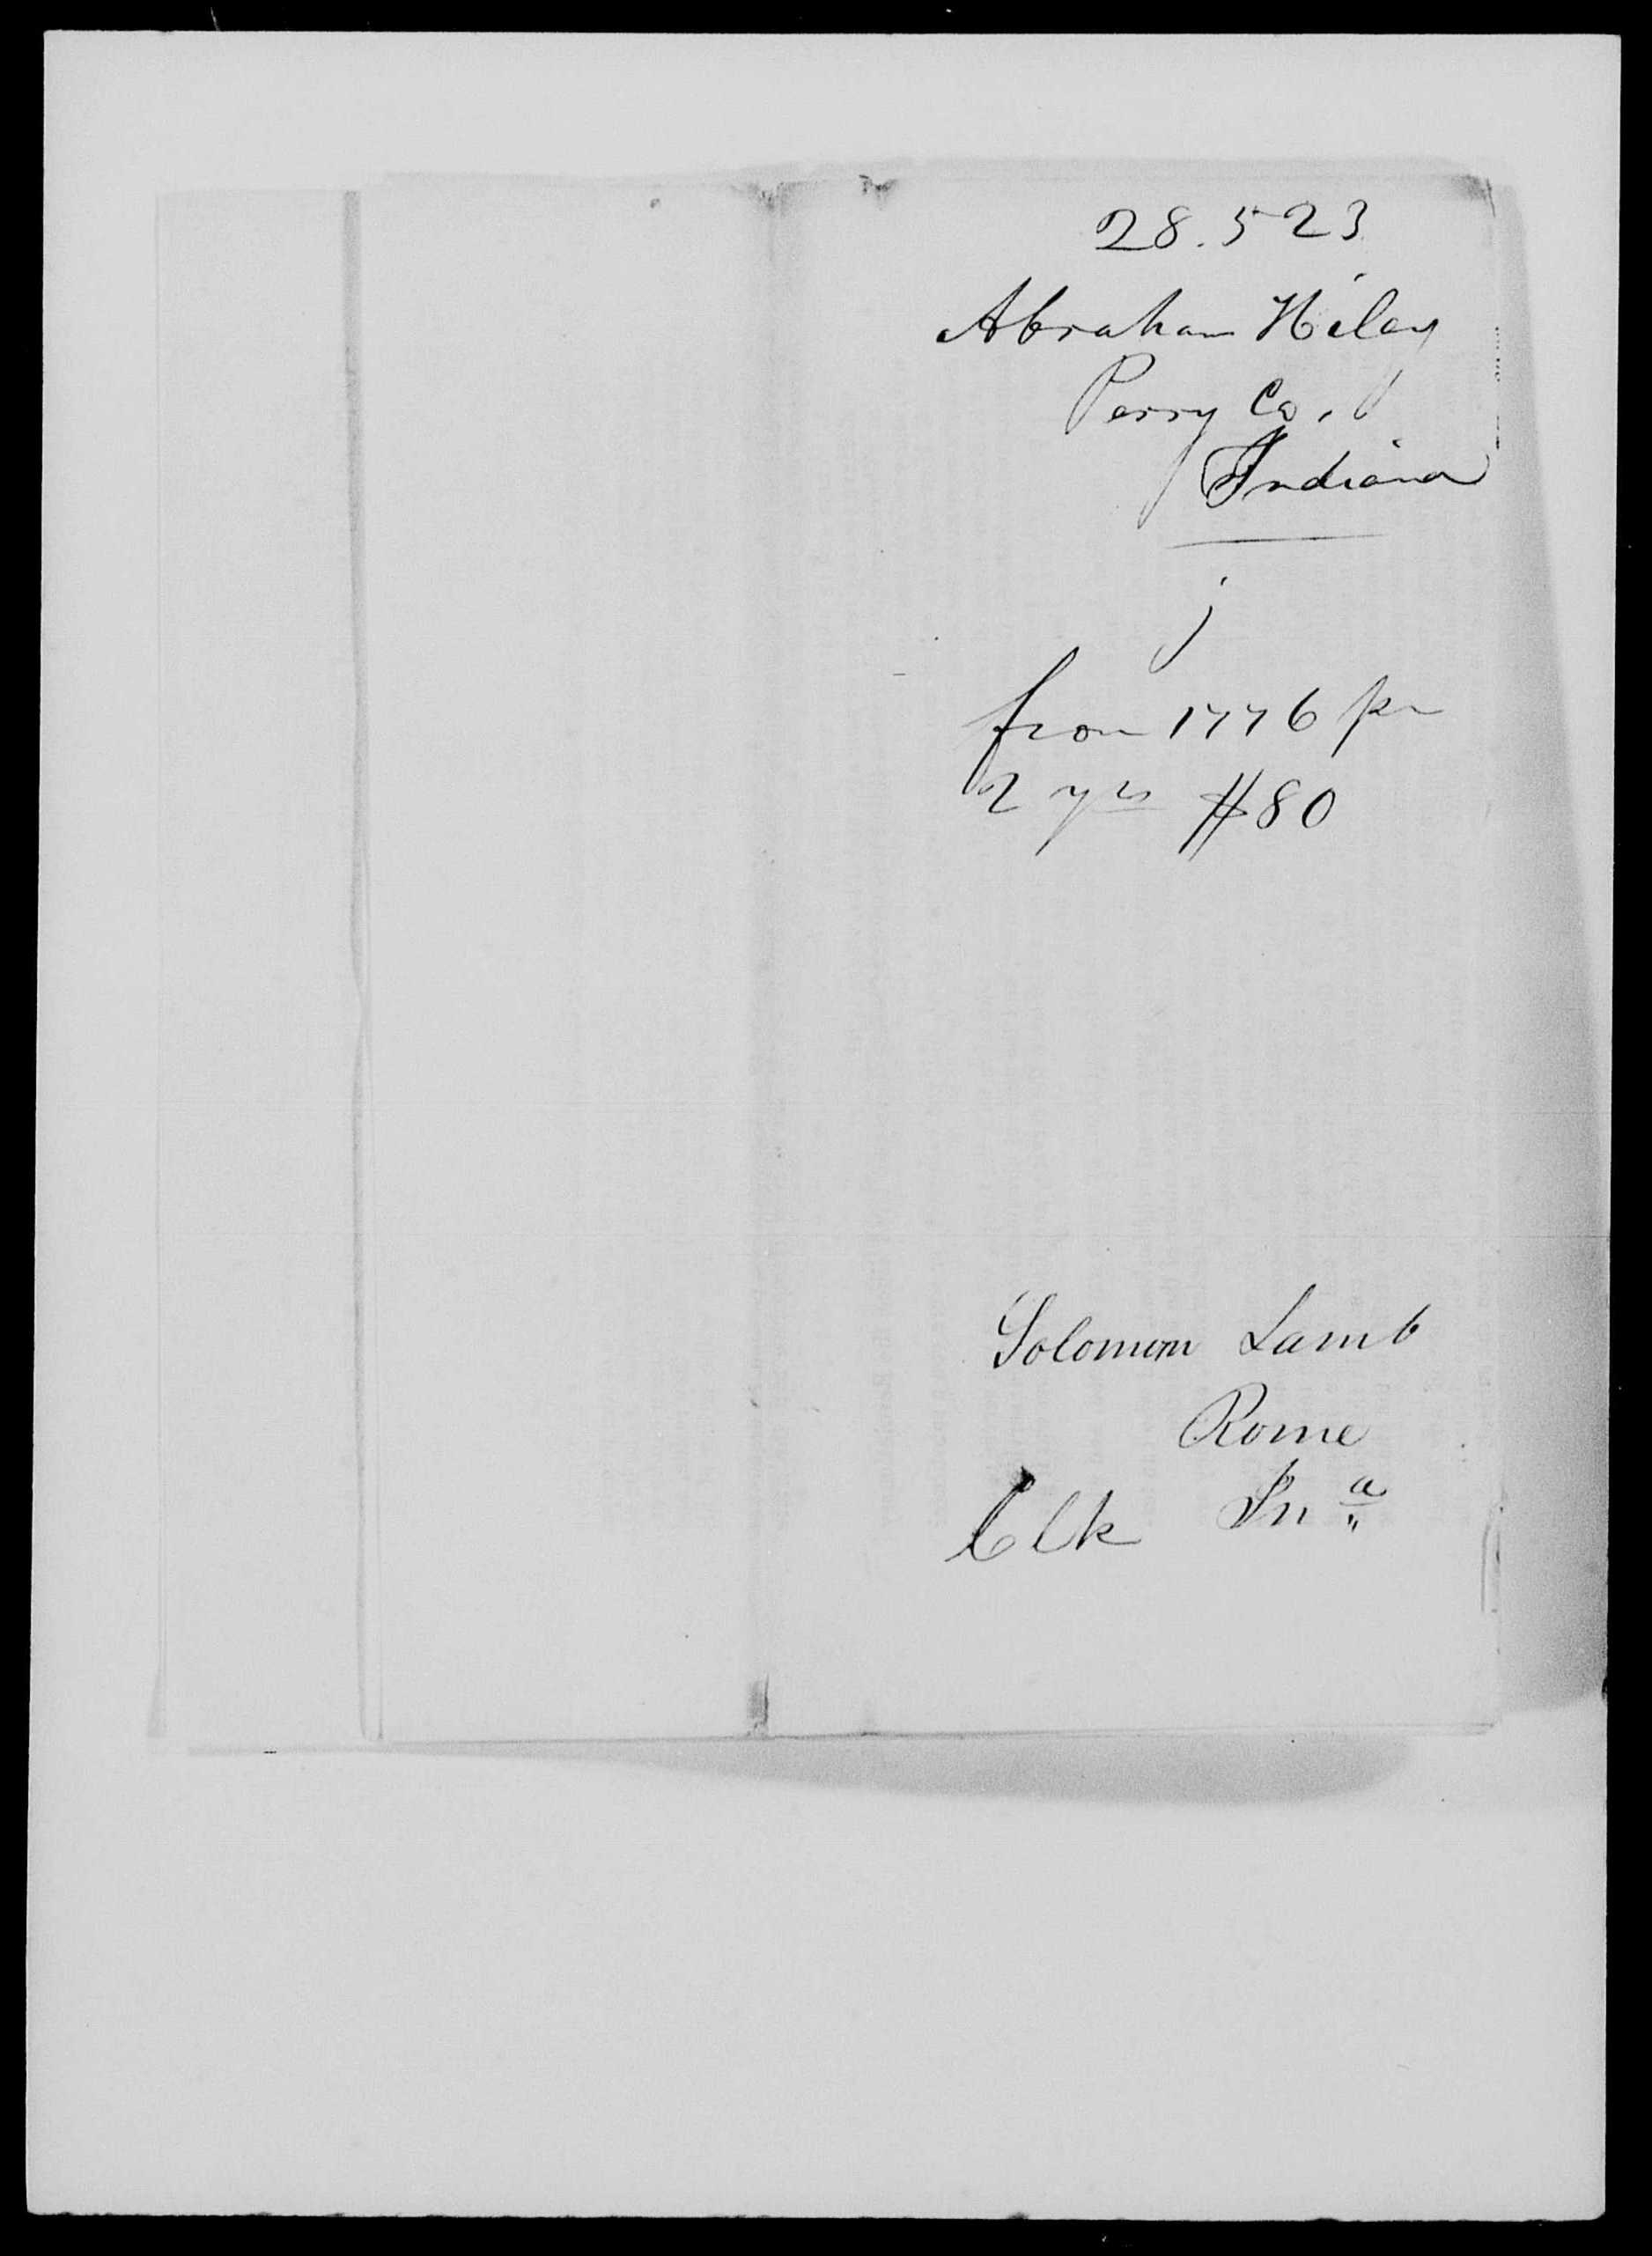28.523
Abraham Hiley
Perry Co. Indiana
from 1776 pr
2 yrs $80

Solomon Lamb Rome
Clk Indiana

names: Solomon Lamb, Abraham Hiley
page: 3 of 18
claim: survivor's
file: S. 31744, Abraham Hiley, Penn.